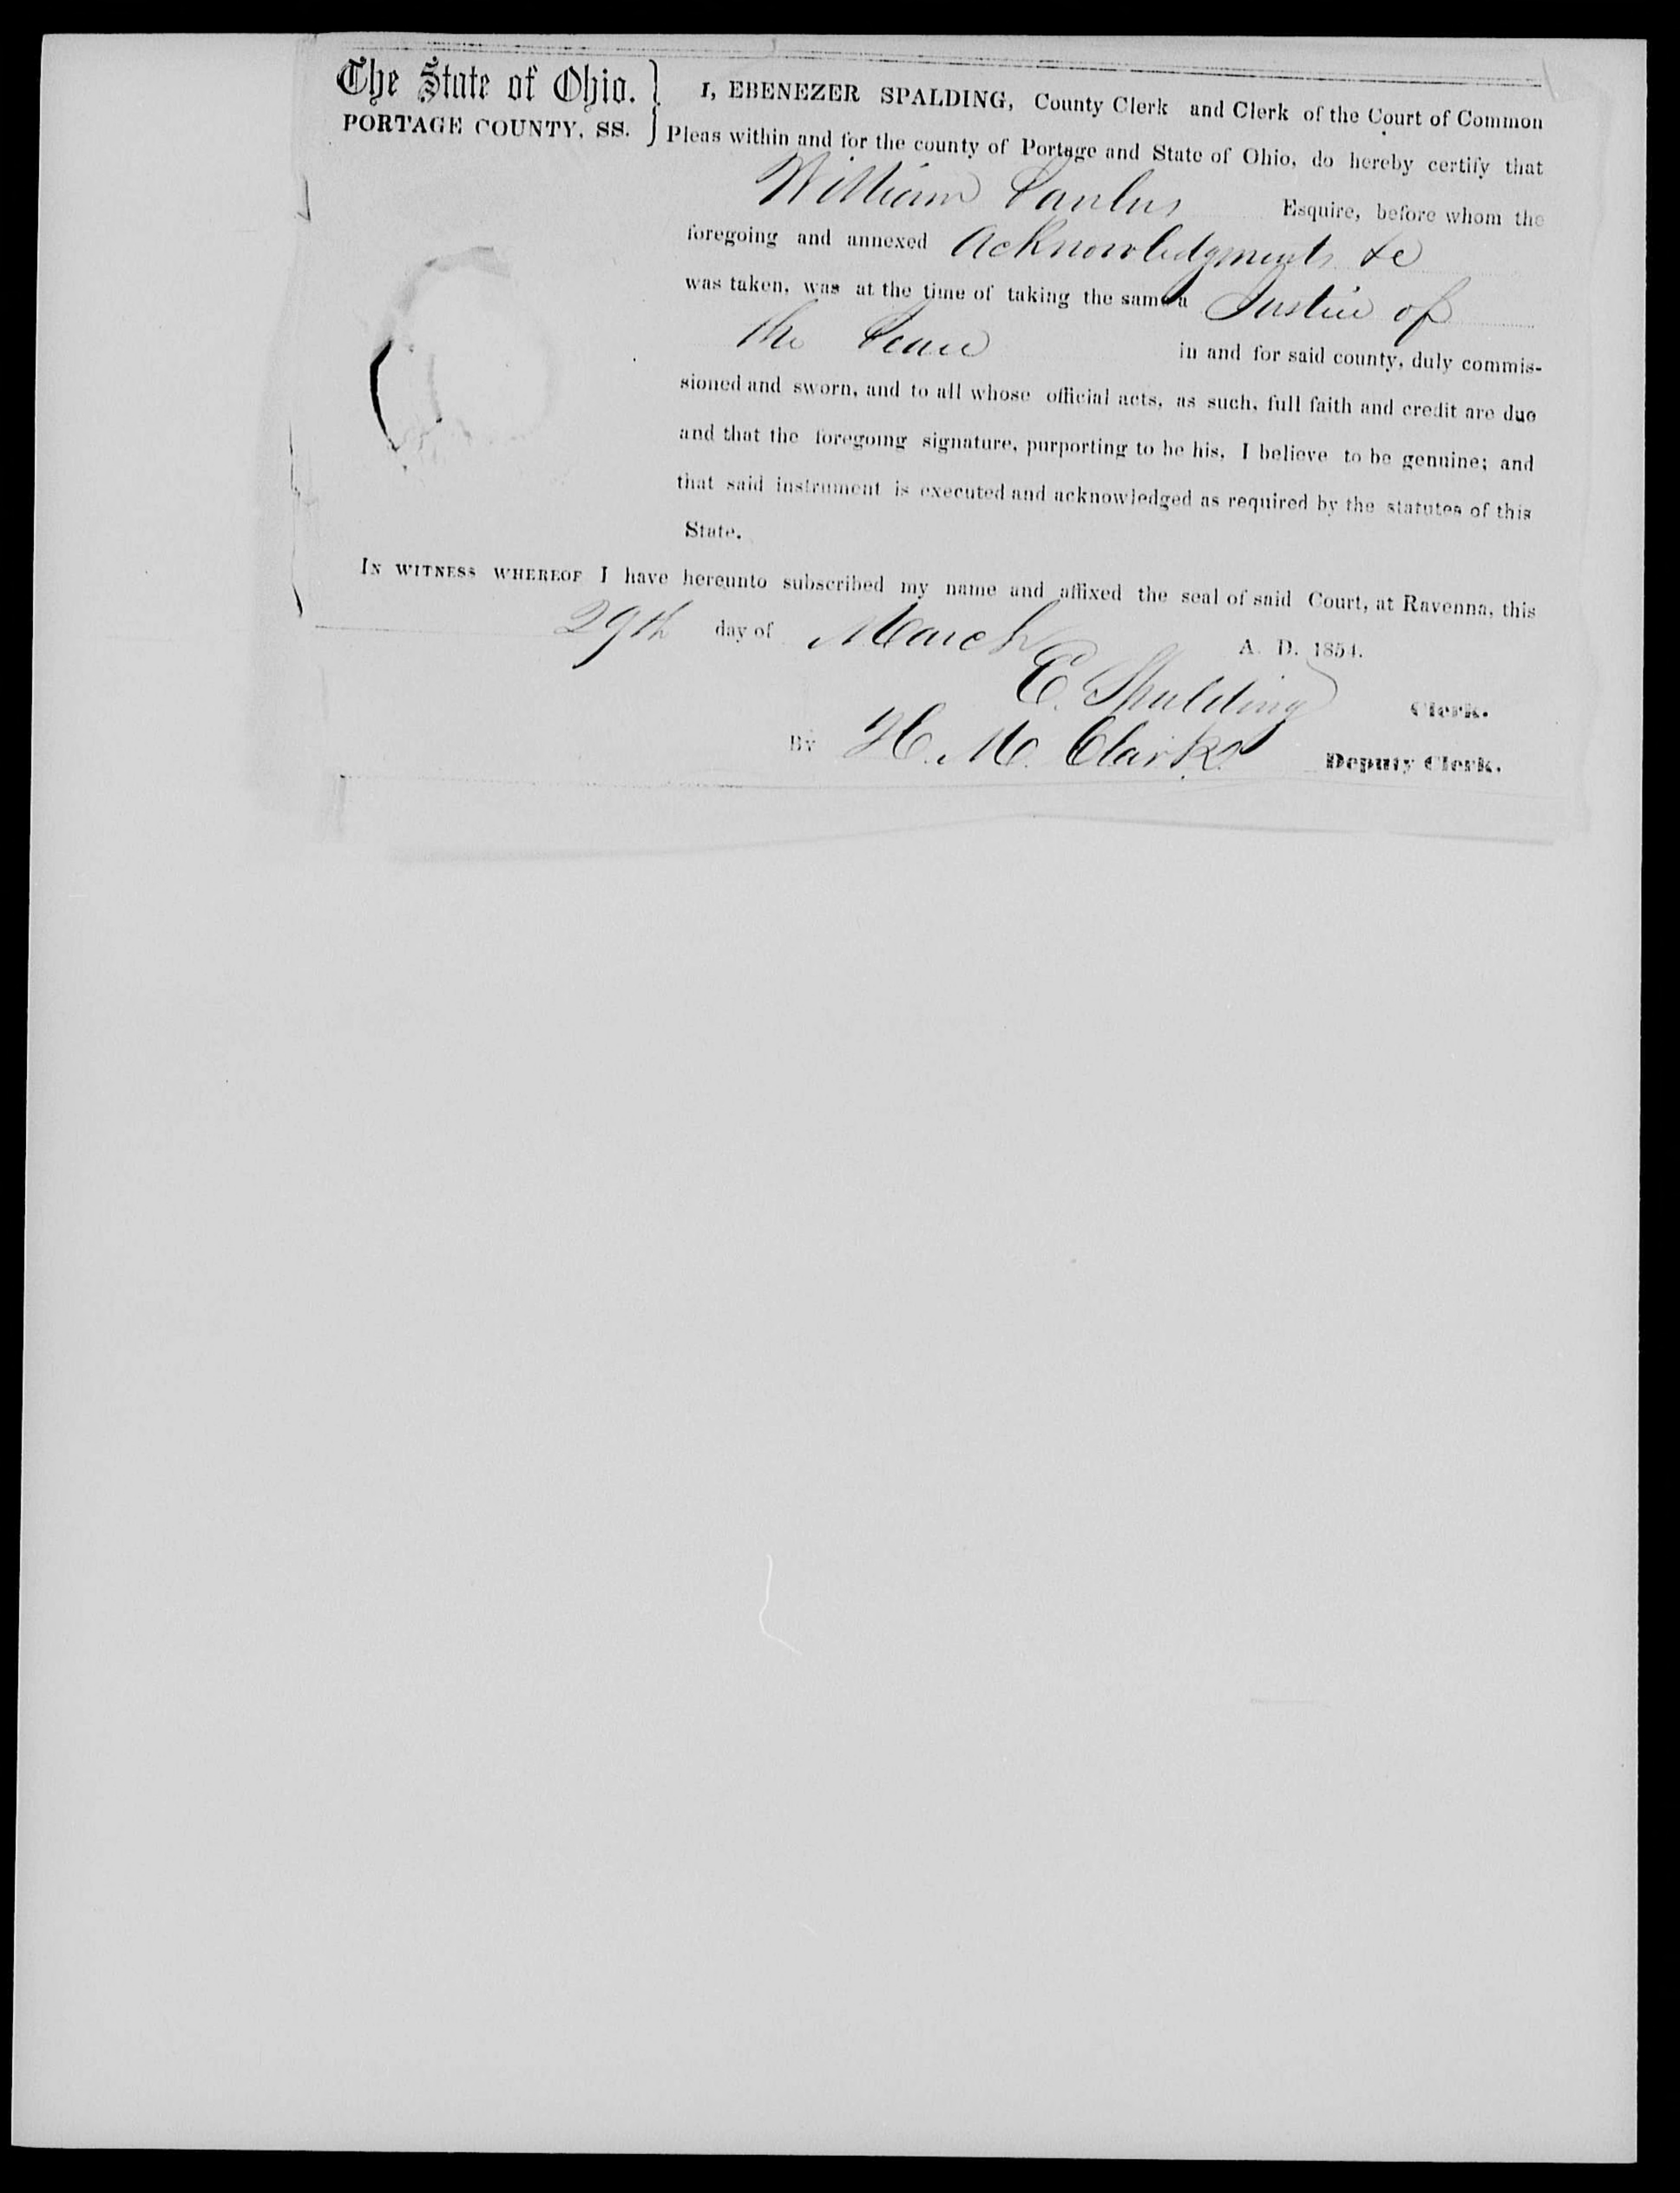The State of Ohio }
PORTAGE COUNTY, SS}

I, EBENEZER SPALDING, County Clerk and Clerk of the Court of Common Pleas within and for the county of Portage and State of Ohio, do hereby certify that William Paulus
Esquire, before whom the foregoing and annexed acknowledgment etc was taken, was at the time of taking the same Justice of
the Peace in and for said county, duly commissioned and sworn, and to all whose official acts, as such, full faith and credit are due and that the foregoing signature, purporting to be his, I believe to be genuine; and that said instrument is executed and acknowledged as required by the statutes of this State.

WITNESS WHEREOF I have hereunto subscribed my name and affixed the seal of said Court, at Ravenna, this
29th day of March A. D. 1854.

E Spalding, Clerk
By H. M. Clark, Deputy Clerk.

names: William Paulus, William Paulus, H M Clark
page: 28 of 76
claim: widow's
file: W. 9345, Joseph Bartholomew, Conn.